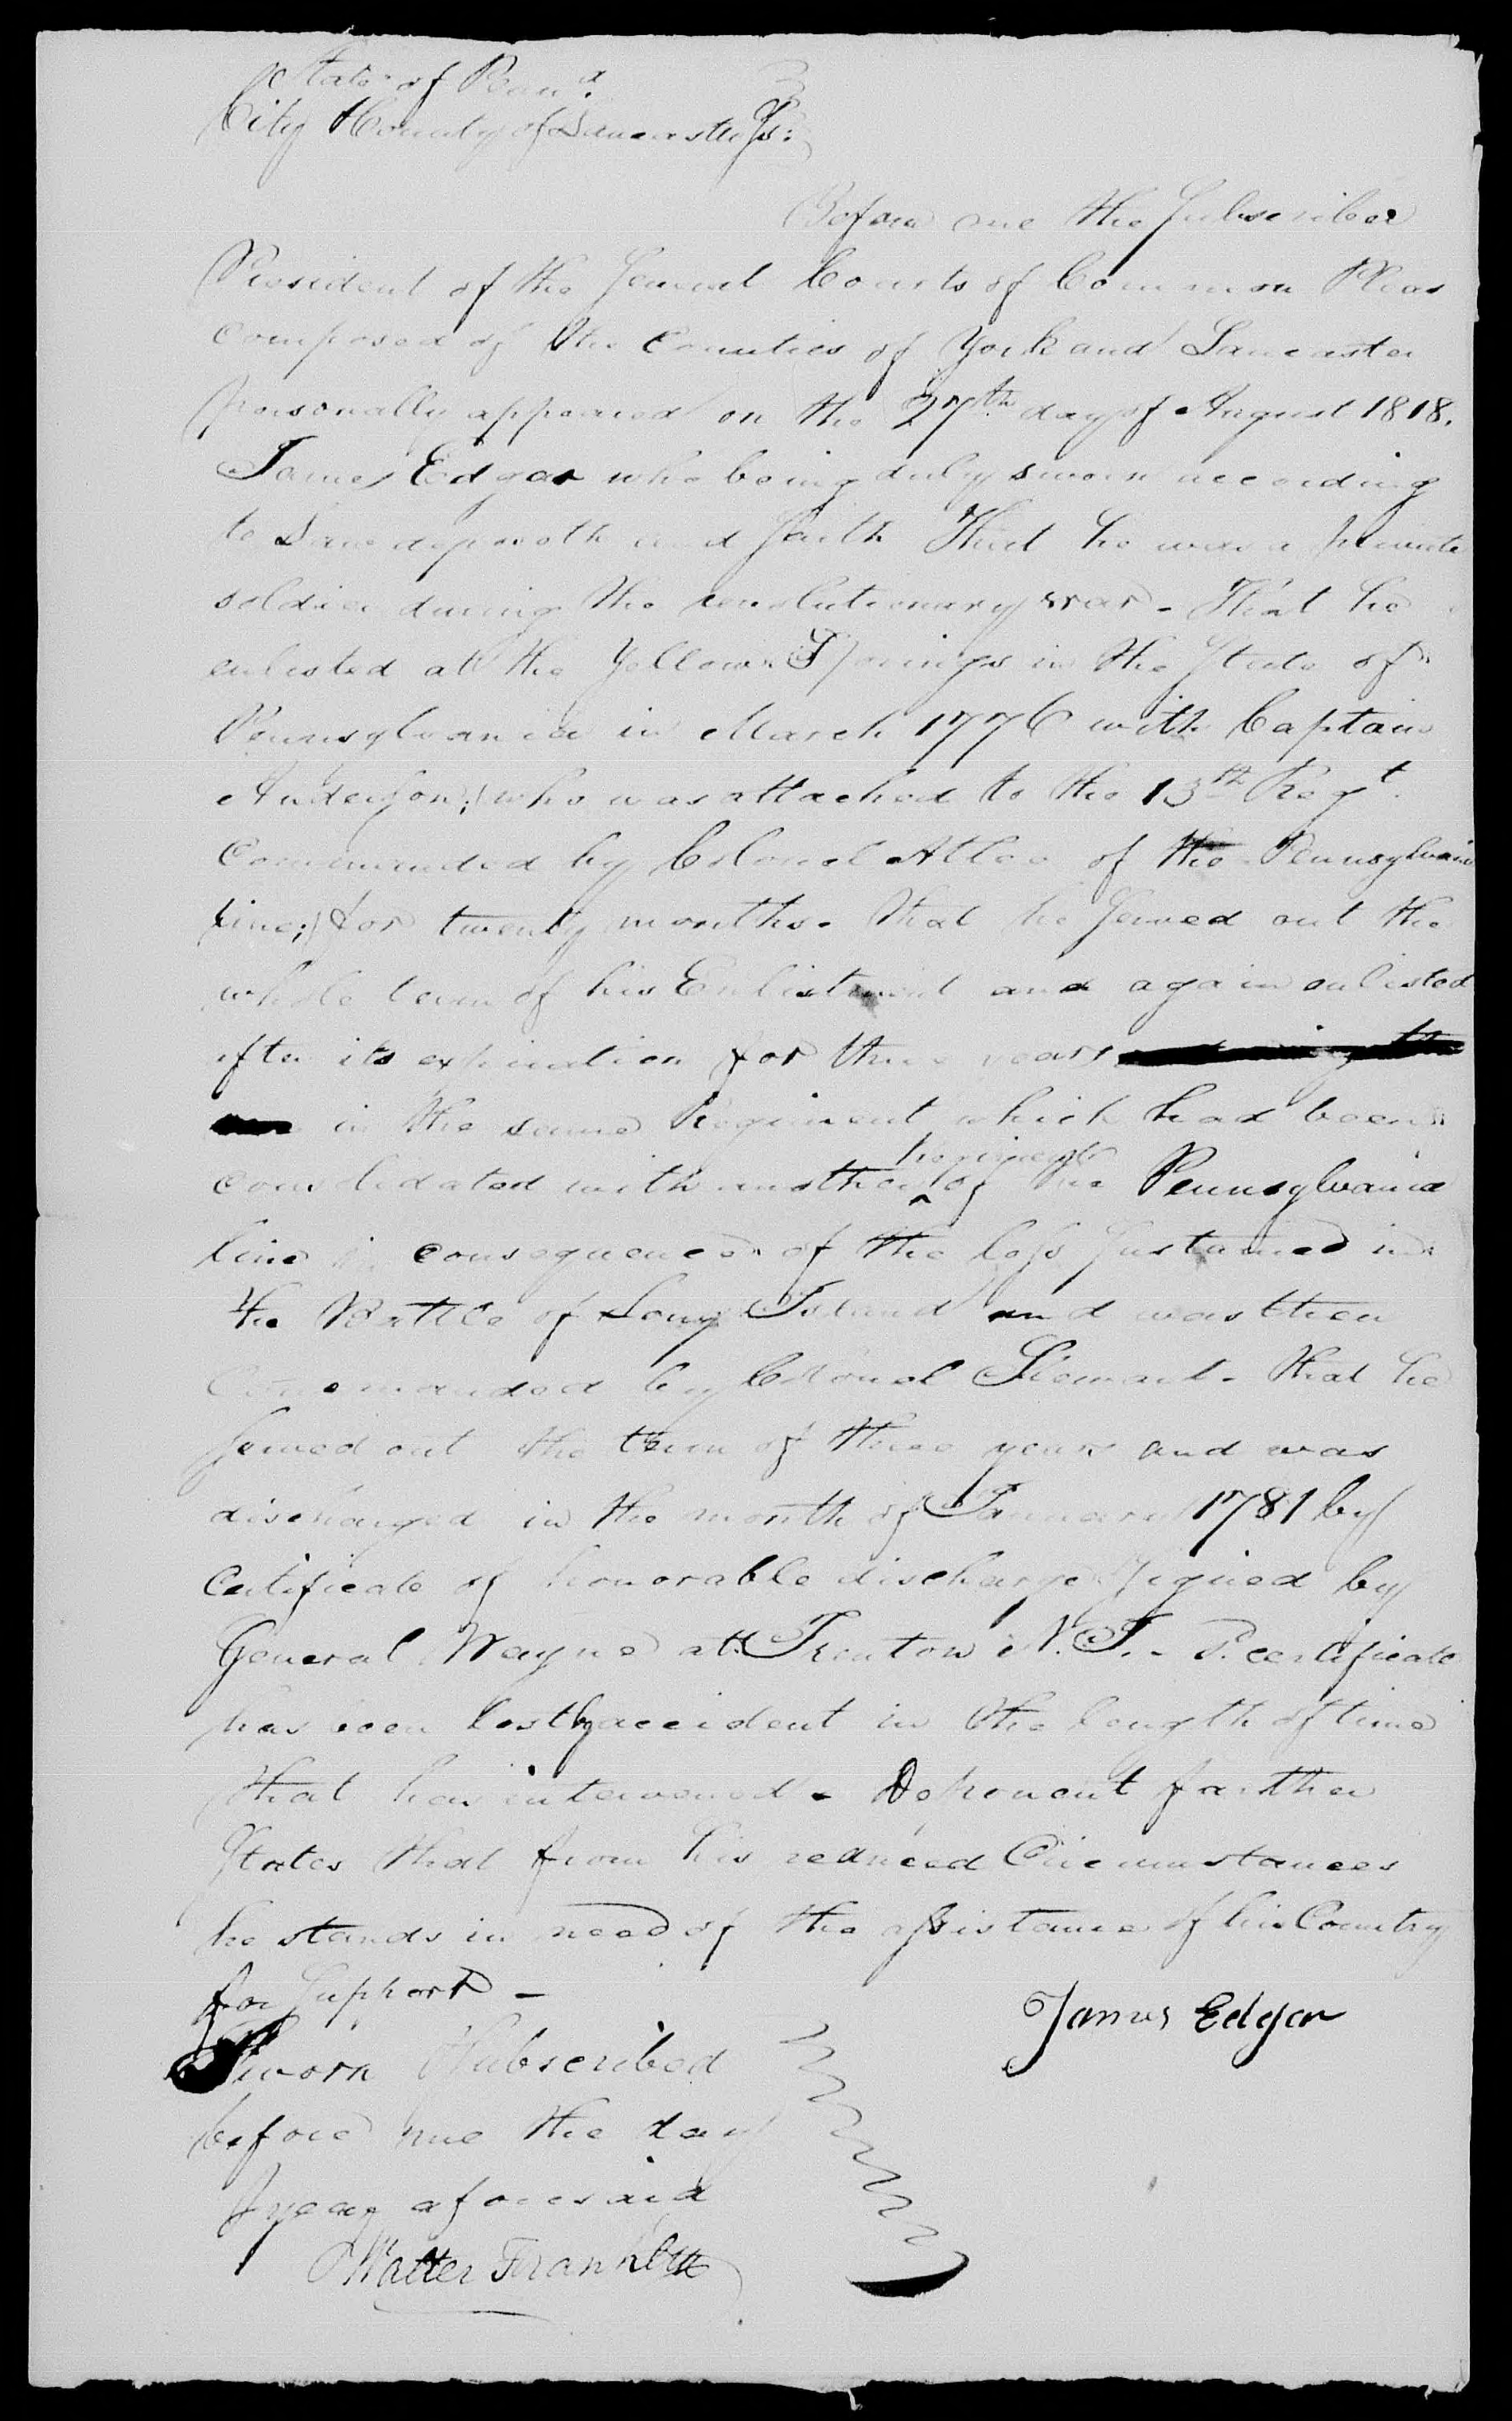State of Penn.
City & County of [illeg.]:

Before me the Subscribed President of the General Courts of Common Pleas composed of the counties of York and Lancaster personally appeared on the 27th day of August 1818, James Edgar who being duly sworn according to [illeg.] oath and faith that he was a hereunto soldier during the revolutionary war. That he enlisted at the Yellow [illeg.] in the state of Pennsylvania in March 1776 with Captain Anderson, who was attached to the 13th Regt. commanded by Colonel Atlee of the Pennsylvania line; for twenty months. That he served out the whole term of his enlistment and again enlisted after its experience for three years in the same Regiment which had been consolidated with another regiment of the Pennsylvania line in consequence of the [illeg.] sustained in the Battle of Long Island and was then commanded by Colonel Stewart. That he served out the term of three years and was discharged in the month of January 1781 by certificate of honorable discharge required by General Wayne at Trenton, N.J. Certificate has been lost by accident in the length of time that has intervened. Do you want further [illeg.] that from his reduced circumstances he stands in need of the assistance of his Country for support -- James Edgar

Sworn & Subscribed before me this day I [illeg.] aforefixed
[signed] Walter Franklin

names: Walter Franklin, Juddson, Altee, James Edgar, Wayne, Stewart, James Edgar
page: 6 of 74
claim: widow's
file: W. 9422, James Edgar, Penn.